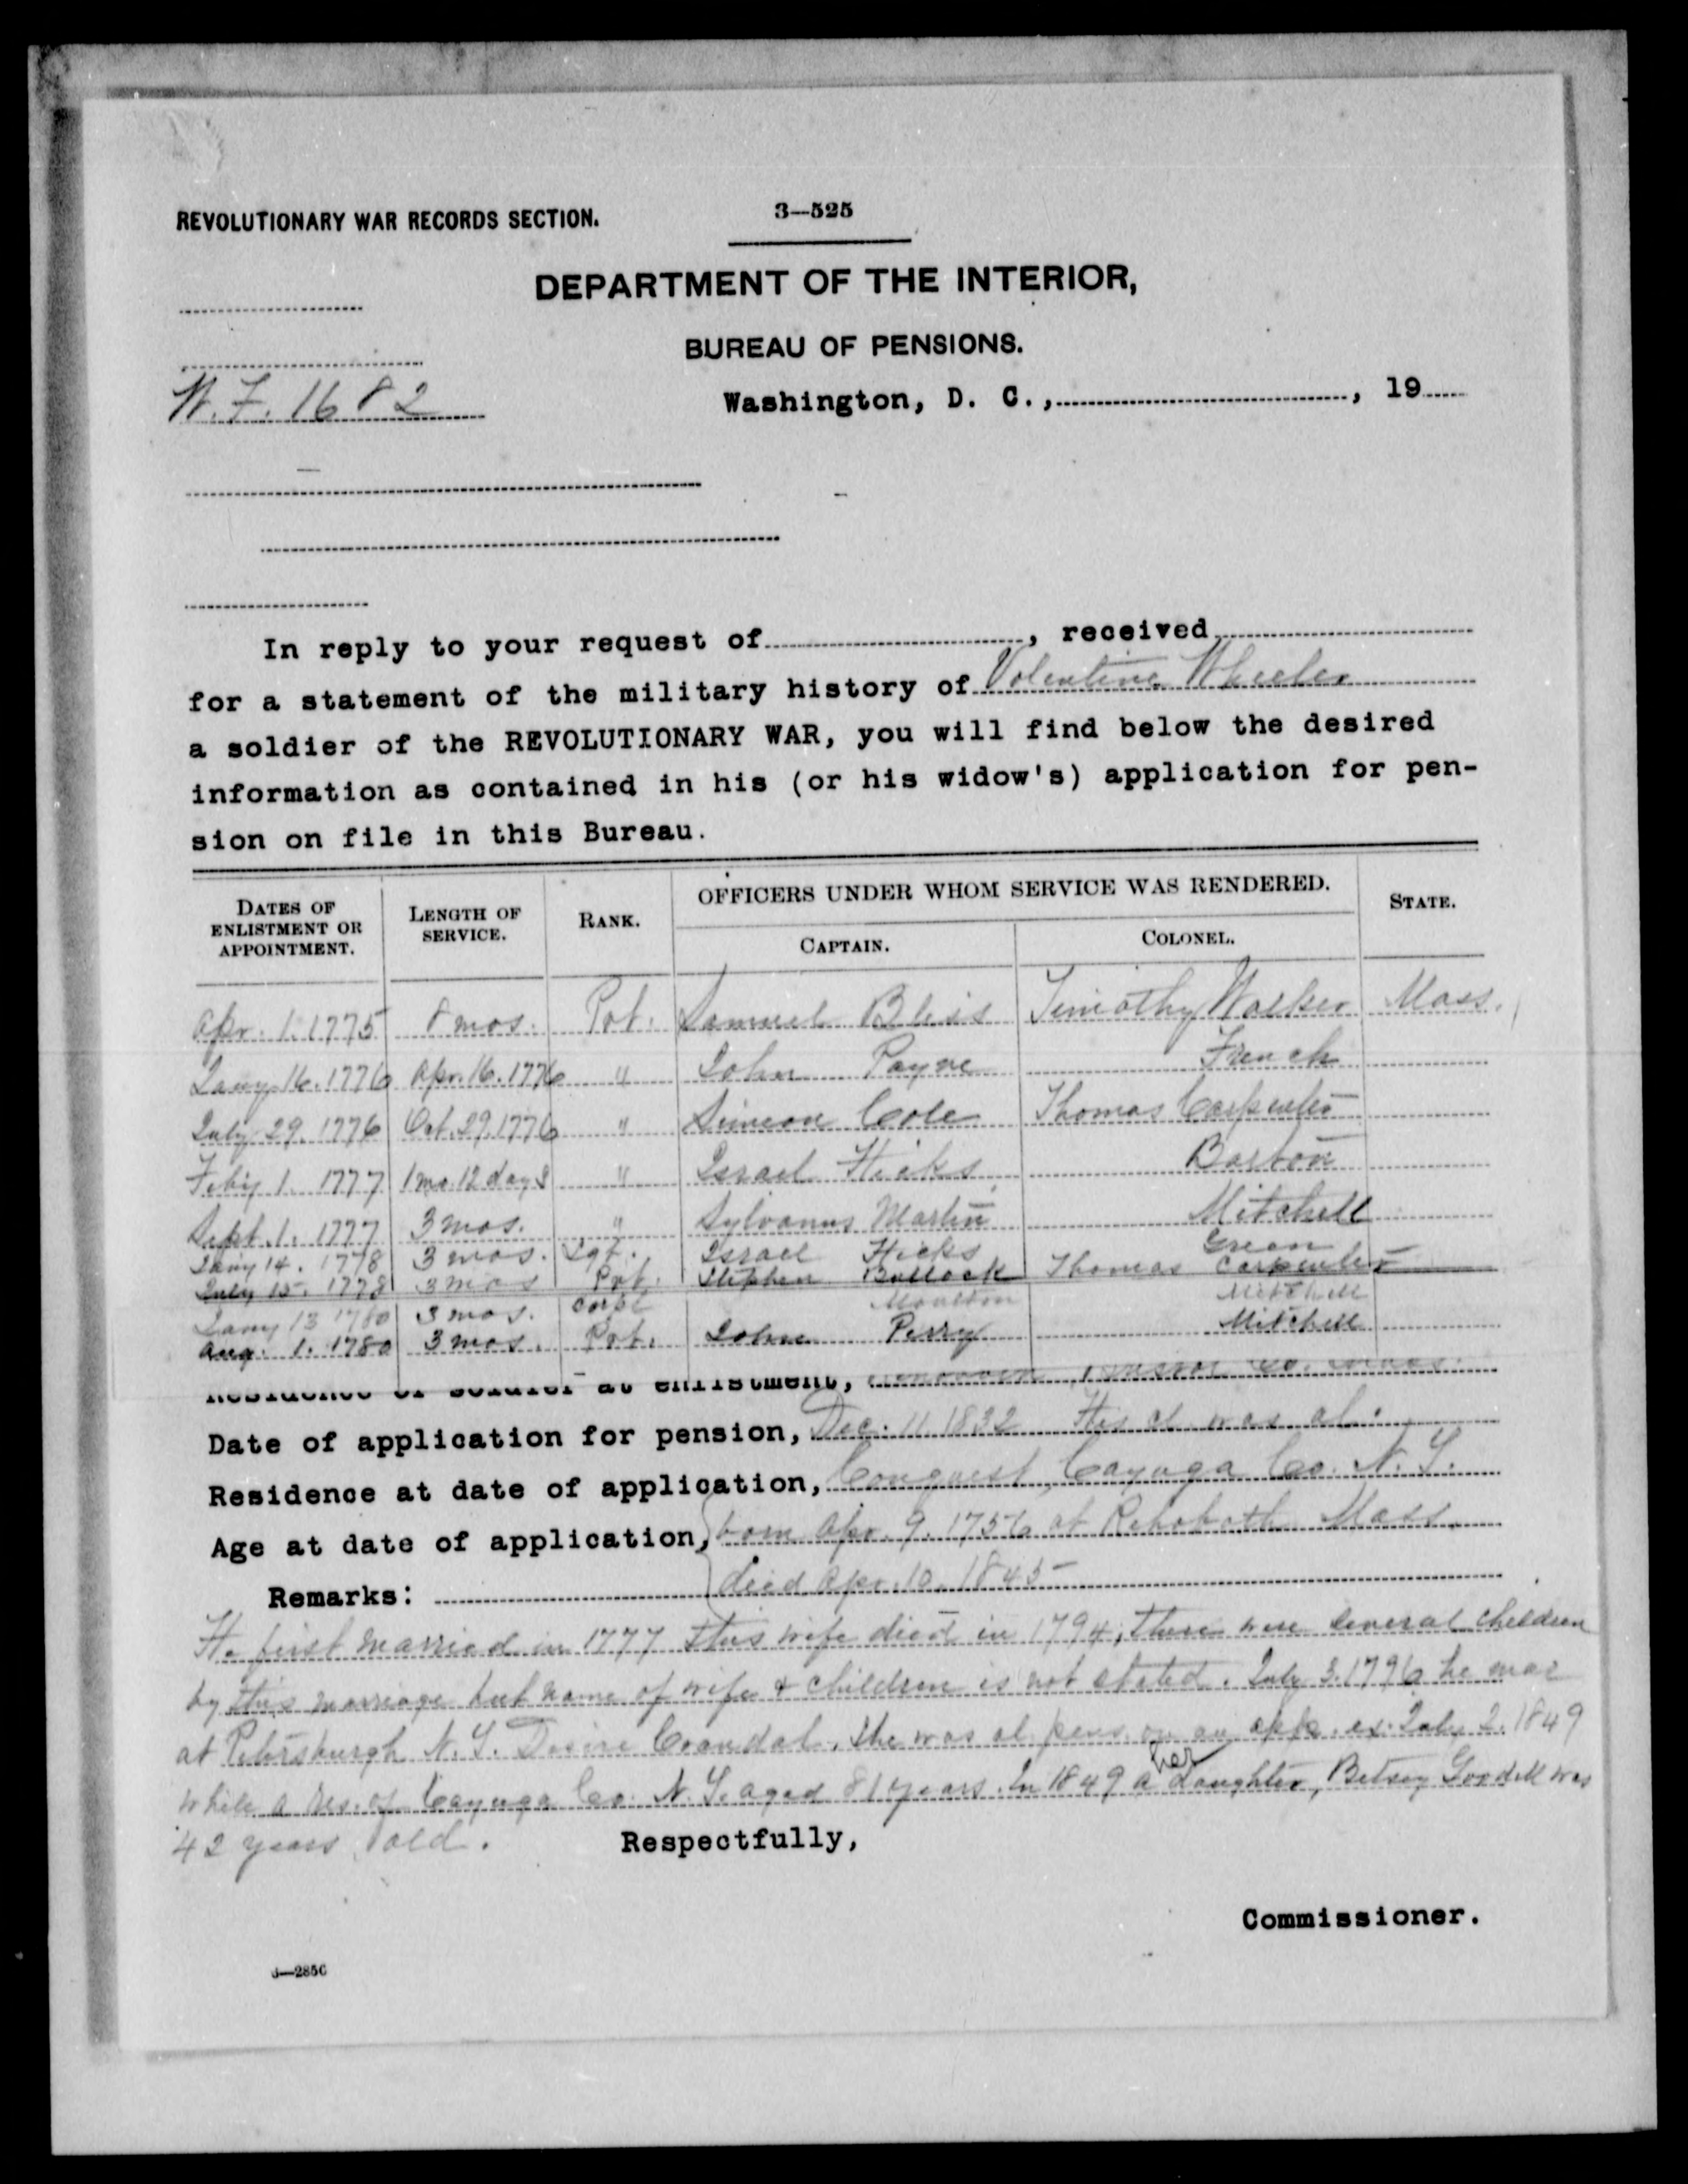Revolutionary War Records Section 3-525
DEPARTMENT OF THE INTERIOR
Bureau of Pensions
Washington, D. C................,19....

W.F.1682
In replay to your request of .............., received.........
for a statement of the military history of Volentine Wheeler
a soldier of the Revolutionary War, you will find below the desired information as contained in his (or his widow's) application for pension on file in this Bureau.

Dates of Enlistment or Appointment/Length of Service/Rank/Officer under whom service was rendered/State

Apl. 1, 1775/8 mos./Pvt/Captain Samuel Bliss, Colonel Timothy Walker/Mass.

Jany. 16, 1776/to Apr. 16, 1776/Pvt/Capt. John Payne, Col. French

July 29,m1776/to Oct. 29, 1776/Pvt./Capt. Simeon Cole, Col. Thomas Carpenter
Feb.1, 1777/1 mo. 12 days/Pvt./Capt. Israel Hicks, Col. Barton
Sept. 1, 1777/3 mos./Pvt./Capt. Sylvanus Martin, Col. Mitchell

Jany. 14, 1778/3 mos./Sgt/Capt. Israel Hicks, Col. Green
July 15, 1778/3 mos./Pvt/Capt. Stephen Bullock, Col. Thomas Carpenter
Jany. 13, 1780/3 mos./Corpl./Capt. Moulton, Col. Mitchell
Aug. 1, 1780/3 mos./Pvt./Capt. John Perry, Col. Mitchell

[missing text-paper overlaid]
Date of application for pension: Dec. 11, 1832 His. cl. was al.
Residence at date of application: Conquest, Cayuga Co., N.Y.
Age at date of application: born Apr. 9, 1756 at Rehoboth, Mass., died Apr. 10, 1845
Remarks: He first married in 1777. This wife died in 1794; there were several children by this marriage but name of wife & children is not stated. July 3, 1796 he mar. at Petersburgh, N. Y. Desire Crandal. She was al. pension on app. executed wile a res. of Cayuga Co. N.Y. aged 81 years. In 1849 her daughter Betsey Goodell was 42 years old.
Respectfully,
Commissioner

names: Green, Betsey Goodell, Volentine Wheeler, Mitchell, Timothy Walker, Moulton, French, Israel Hicks, Stephen Bullock, Barton, Sylvanus Martin, Samuel Bliss, Simeon Cole, Thomas Carpenter, John Payne, John Perry, Desire Crandal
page: 48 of 98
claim: widow's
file: W. 1682, Valentine Wheeler, Mass.